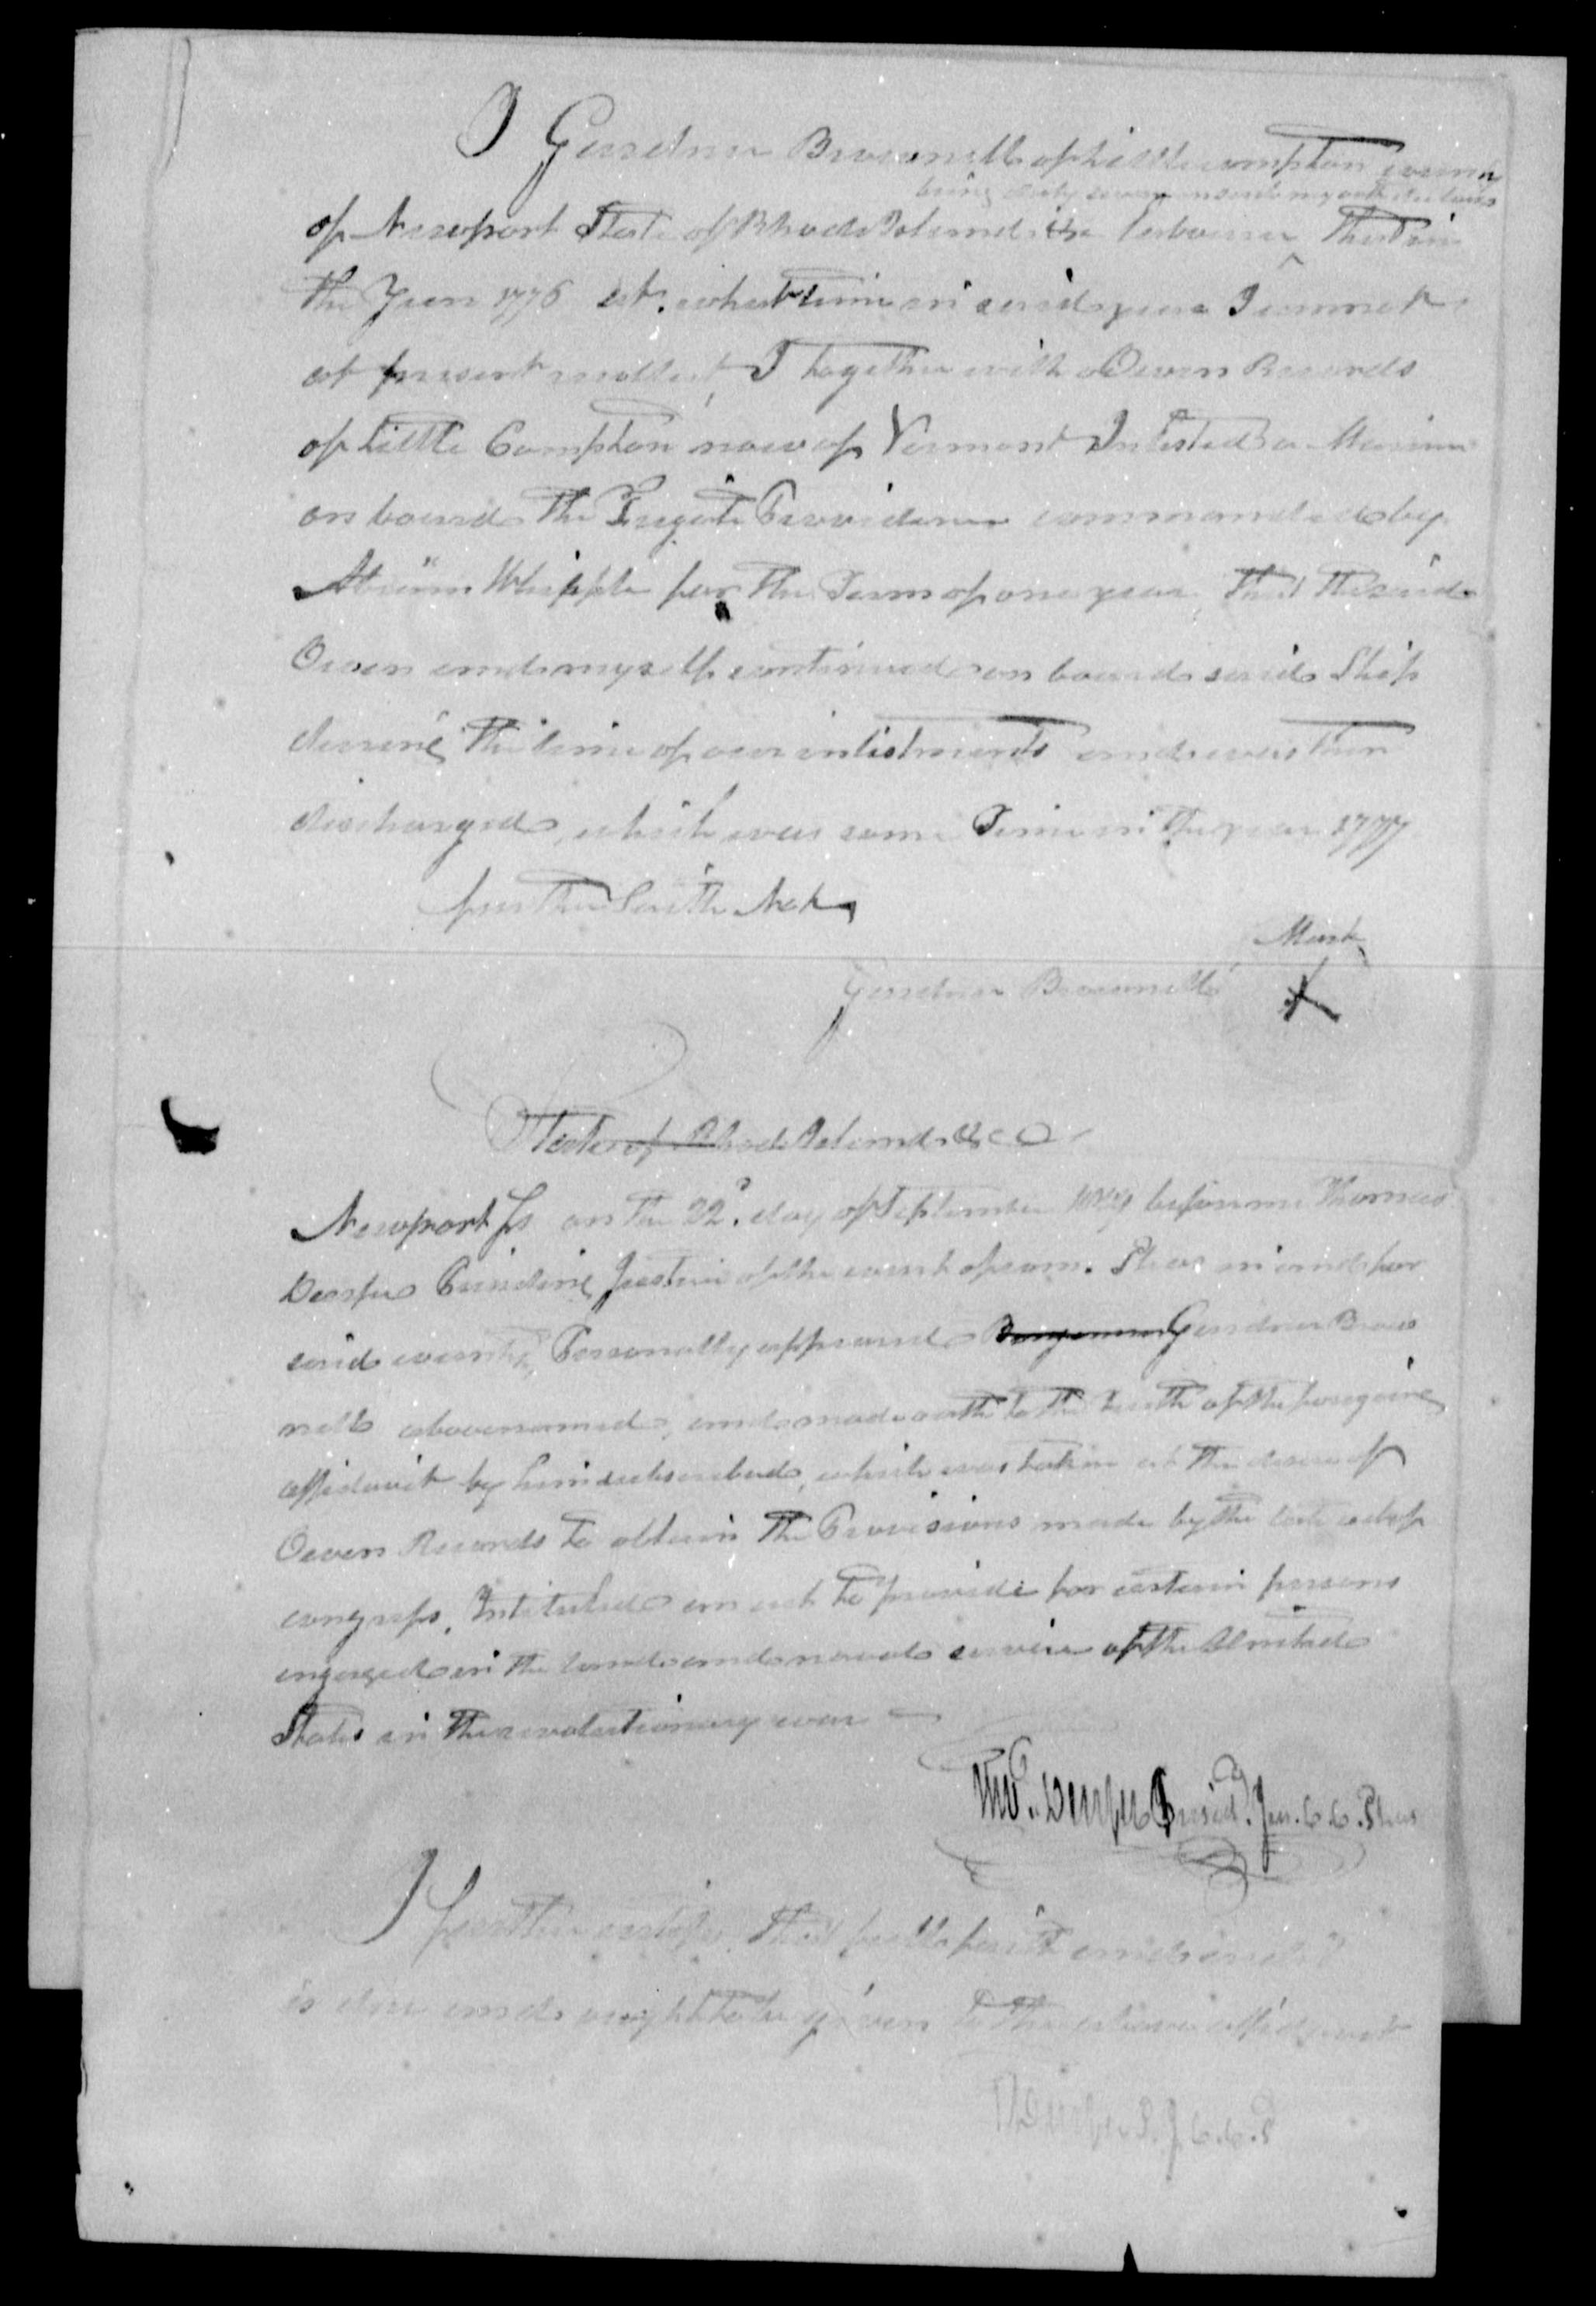I Gardner Brownell of Willhampton County of Newport State of Rhode Island [illegible] being duly sworn and make my oath declare that in the year 1776 but what time in said year I cannot at present recollect, I together with Owen Records of Little Compton now of Vermont inlisted [sic] in service on board the Frigate Providence commanded by Abram Whipple for the term of one year that the said Owen and myself continued on board said Ship during the time of our inlistment and were then discharged which was some time in the year 1777
further saith not
[signature] Gardner Brownell Mark X [X being his mark in lieu of signature]

State of Rhode Island &c.
Newport ss on this 22d day of September 1847 before me Thomas Durfee Considine Justice of the court of common pleas in and for said county Personally appeared Gardner Brownell abovenamed and made oath to the truth of the foregoing affidavit by him subscribed, which was taken at the desire of Owen Records to obtain the Provisions made by the decree of congress entitled an act to provide for certain persons engaged in the land and naval service of the United States in the revolutionary war--
Thomas Durfee Presid. Justice C. C. Pleas

I further certify that full faith & credit is due him and ought to be given to the inclosed[?] affidavit
T Durfee J. C. C. P.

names: Benjamin Gardner; Abram Whipple; Owen [BLANK]; Thos Durfee; Owen Records; Owen Records; Gardner Brownell; Thomas Durfee; Thos Durfee; Gardner Brownell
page: 10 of 12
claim: survivor's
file: S. 41977, for Owen Records, Rhode Island